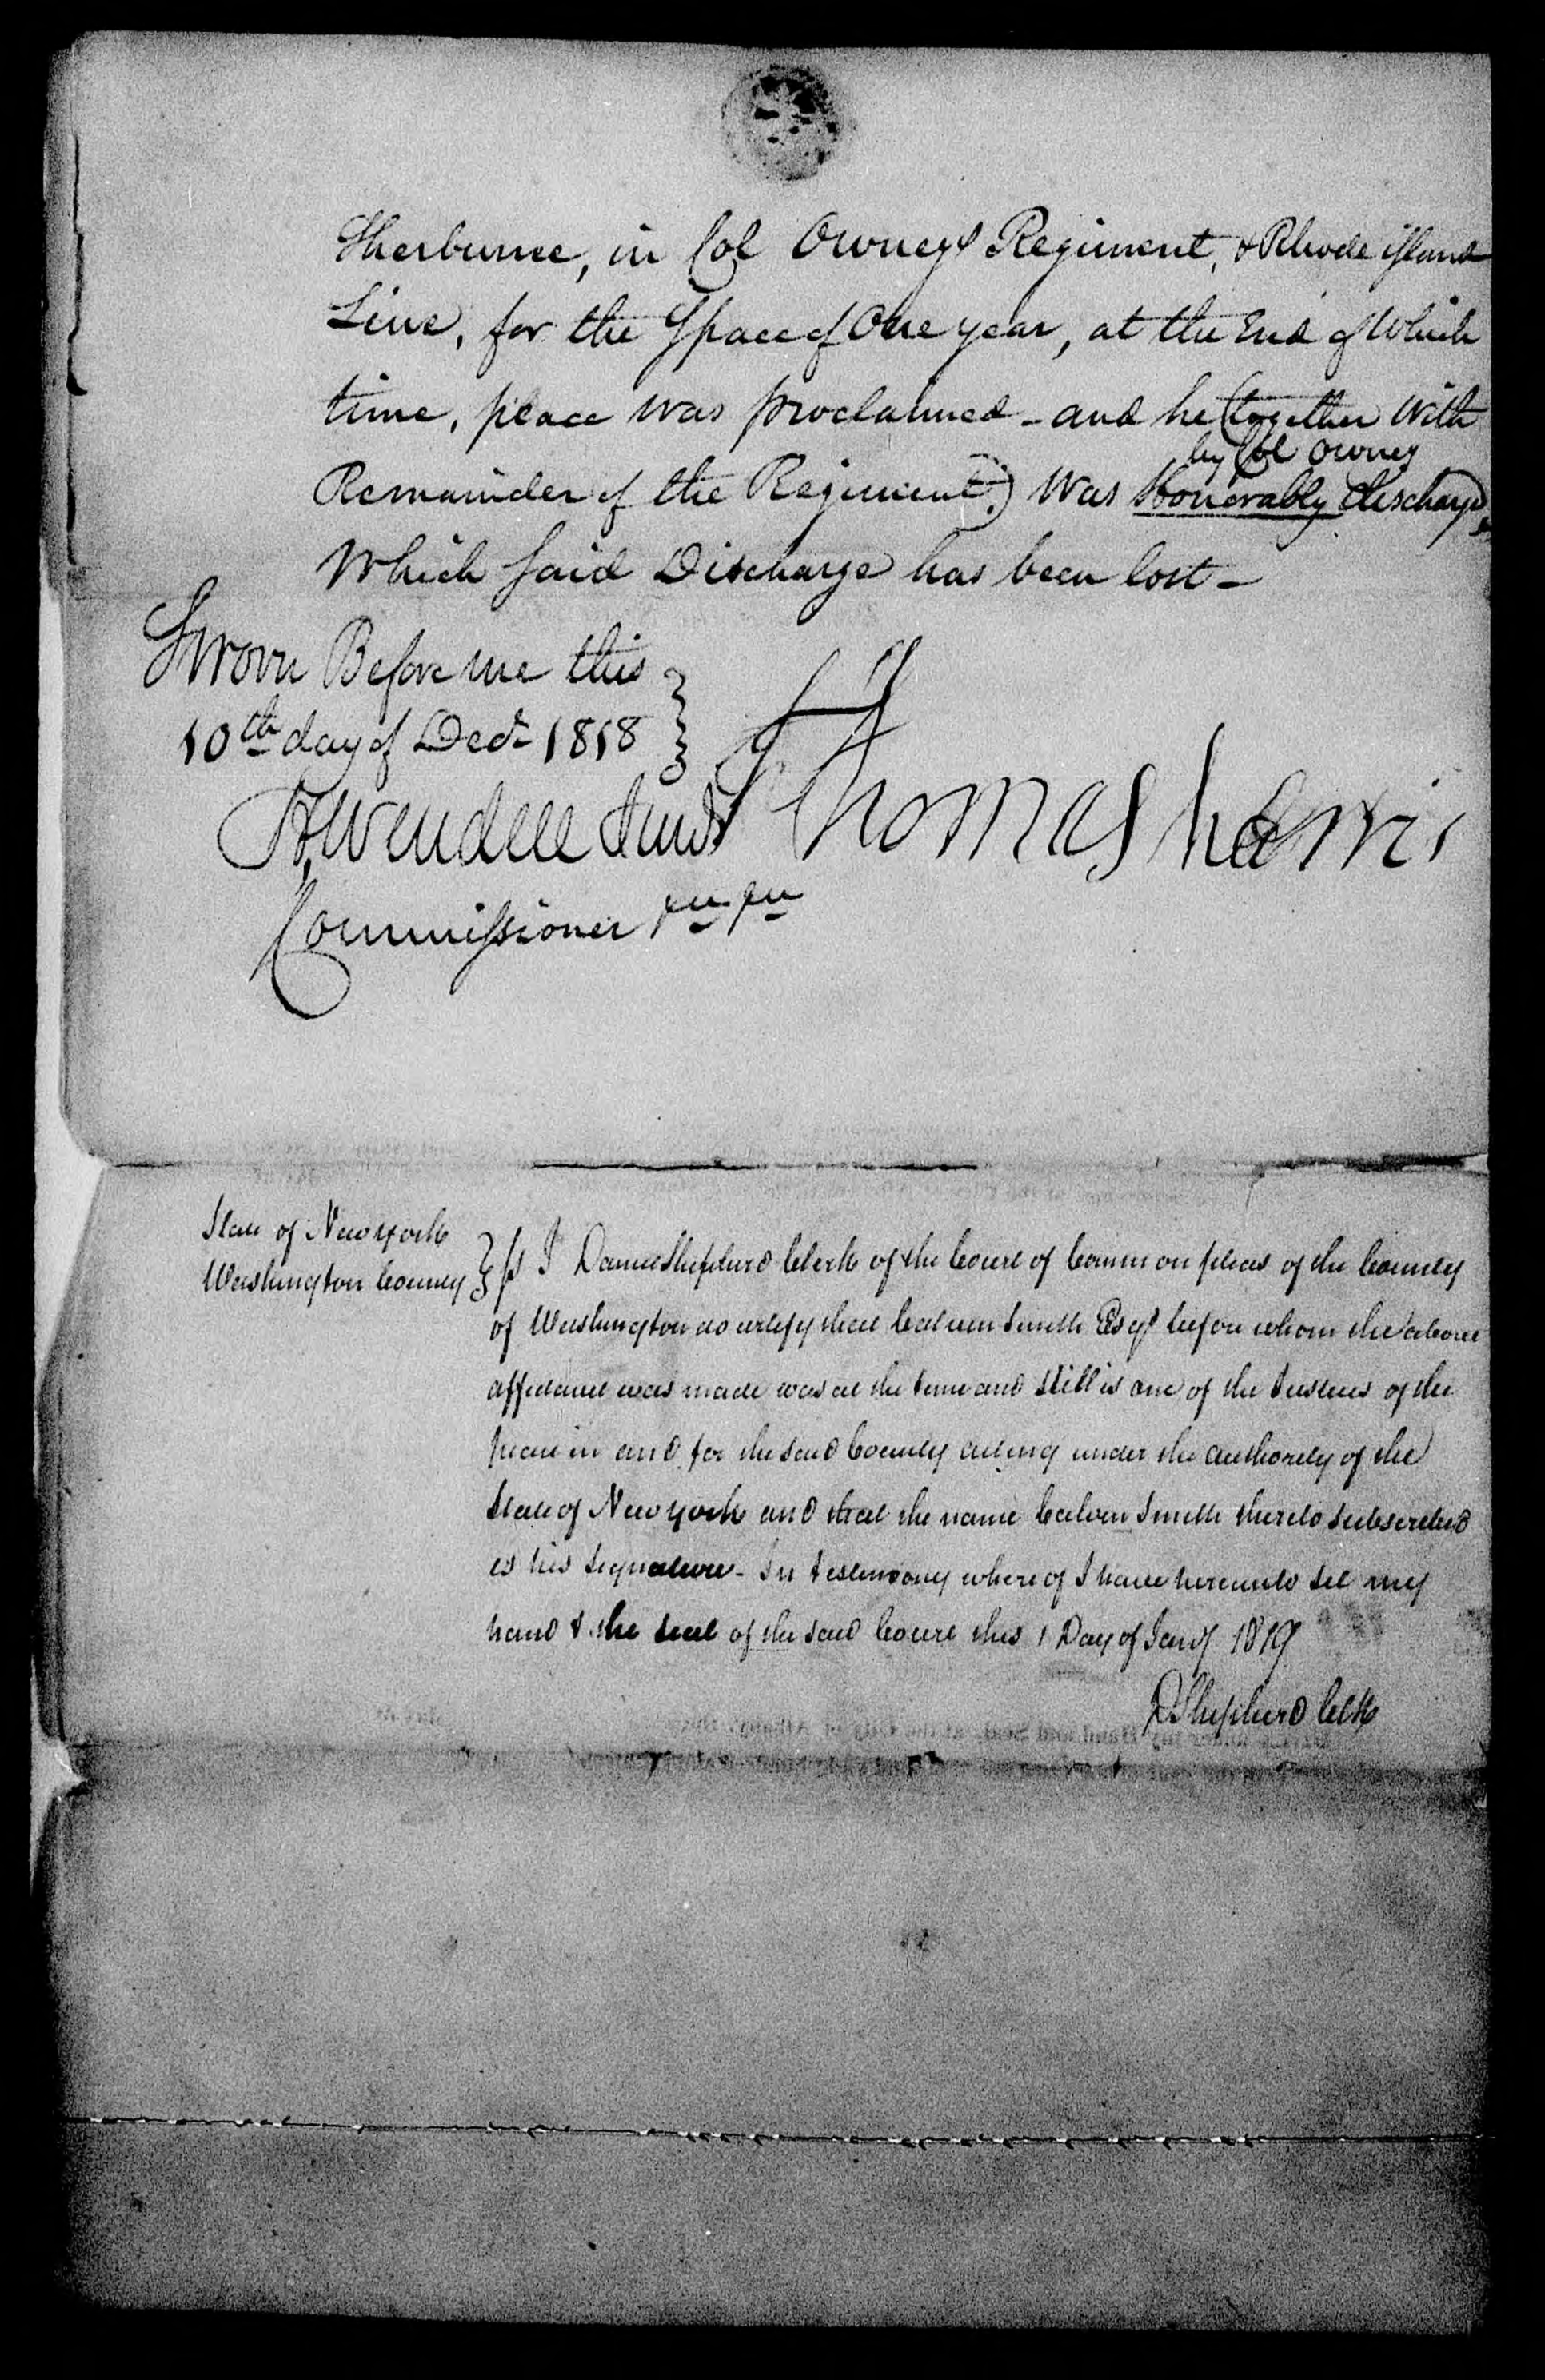Shervurne in Col. Owney's Regiment, & Rhode Island Line, for the space of one year, at the end of which time, peace was proclaimed and he (together with Remainder of the Regiment) was honorably discharged by Col Owney which said discharge has been lost. Sworn before me this 10th day of Decr. 1818 H Wendell Junr Commissioner &c &c Thomas Harris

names: Owney, Calvin Smith, H Wendell, Thomas Harris, D Shepherd, Daniel Shepherd, Sherburne, Calvin Smith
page: 16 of 16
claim: survivor's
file: S. 38815, Thomas Harris, R.I.